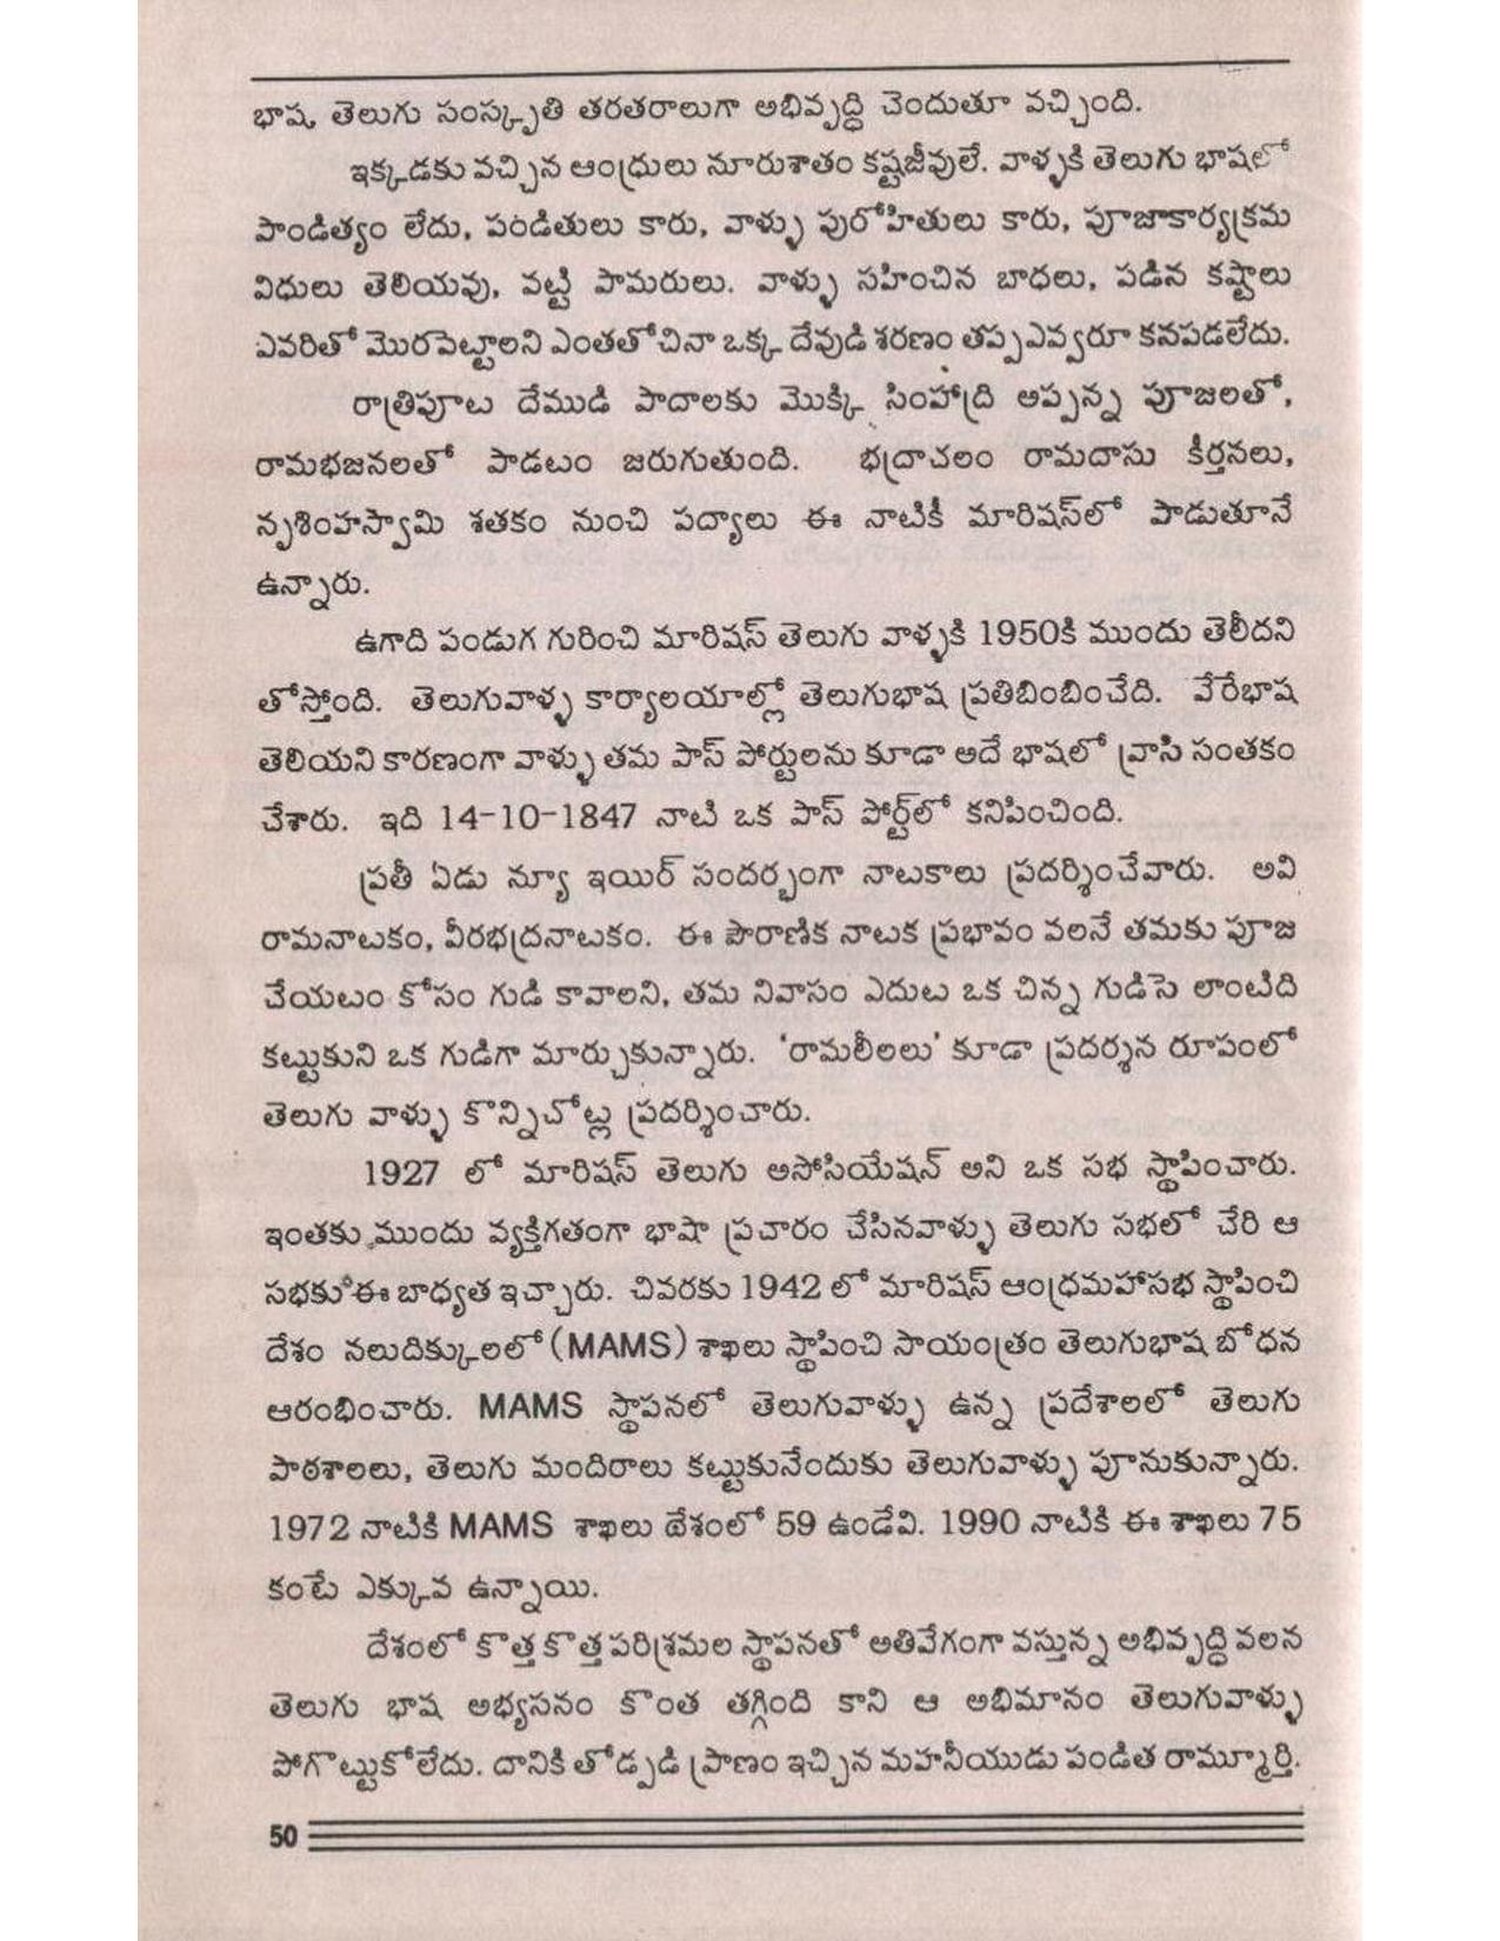భాష, తెలుగు సంస్కృతి తరతరాలుగా అభివృద్ధి చెందుతూ వచ్చింది.

ఇక్కడకు వచ్చిన ఆంధ్రులు నూరుశాతం కష్టజీవులే. వాళ్ళకి తెలుగు భాషలో పాండిత్యం లేదు, పండితులు కారు, వాళ్ళు పురోహితులు కారు, పూజాకార్యక్రమ విధులు తెలియవు. వట్టి పామరులు, వాళ్ళు సహించిన బాధలు, పడిన కష్టాలు ఎవరితో మొరపెట్టాలని ఎంతతోచినా ఒక్క దేవుడి శరణం తప్ప ఎవ్వరూ కనపడలేదు.

రాత్రిపూట దేముడి పాదాలకు మొక్కి సింహాద్రి అప్పన్న పూజలతో, రామభజనలతో పాడటం జరుగుతుంది. భద్రాచలం రామదాసు కీర్తనలు, నృశింహస్వామి శతకం నుంచి పద్యాలు ఈ నాటికీ మారిషస్‌లో పాడుతూనే ఉన్నారు.

ఉగాది పండుగ గురించి మారిషస్ తెలుగు వాళ్ళకి 1950కి ముందు తెలీదని తోస్తోంది. తెలుగువాళ్ళ కార్యాలయాల్లో తెలుగుభాష ప్రతిబింబించేది. వేరేభాష తెలియని కారణంగా వాళ్ళు తమ పాస్ పోర్టులను కూడా అదే భాషలో వ్రాసి సంతకం చేశారు. ఇది 14-10-1847 నాటి ఒక పాస్ పోర్ట్‌లో కనిపించింది.

ప్రతీ ఏడు న్యూ ఇయిర్ సందర్భంగా నాటకాలు ప్రదర్శించేవారు. అవి రామనాటకం, వీరభద్రనాటకం. ఈ పౌరాణిక నాటక ప్రభావం వలనే తమకు పూజ చేయటం కోసం గుడి కావాలని, తమ నివాసం ఎదుట ఒక చిన్న గుడిసె లాంటిది కట్టుకుని ఒక గుడిగా మార్చుకున్నారు. 'రామలీలలు' కూడా ప్రదర్శన రూపంలో తెలుగు వాళ్ళు కొన్నిచోట్ల ప్రదర్శించారు.

1927 లో మారిషస్ తెలుగు అసోసియేషన్ అని ఒక సభ స్థాపించారు. ఇంతకు ముందు వ్యక్తిగతంగా భాషా ప్రచారం చేసినవాళ్ళు తెలుగు సభలో చేరి ఆ సభకు ఈ బాధ్యత ఇచ్చారు. చివరకు 1942లో మారిషస్ ఆంధ్రమహాసభ స్థాపించి దేశం నలుదిక్కులలో (MAMS) శాఖలు స్థాపించి సాయంత్రం తెలుగుభాష బోధన ఆరంభించారు. MAMS స్థాపనలో తెలుగువాళ్ళు ఉన్న ప్రదేశాలలో తెలుగు పాఠశాలలు, తెలుగు మందిరాలు కట్టుకునేందుకు తెలుగువాళ్ళు పూనుకున్నారు. 1972 నాటికి MAMS శాఖలు దేశంలో 59 ఉండేవి. 1990 నాటికి ఈ శాఖలు 75 కంటే ఎక్కువ ఉన్నాయి.

దేశంలో కొత్త కొత్త పరిశ్రమల స్థాపనలో అతివేగంగా వస్తున్న అభివృద్ధి వలన తెలుగు భాష అభ్యసనం కొంత తగ్గింది కాని - అభిమానం తెలుగువాళ్ళు పోగొట్టుకోలేదు. దానికి తోడ్పడి ప్రాణం ఇచ్చిన మహనీయుడు పండిత రామ్మూర్తి.